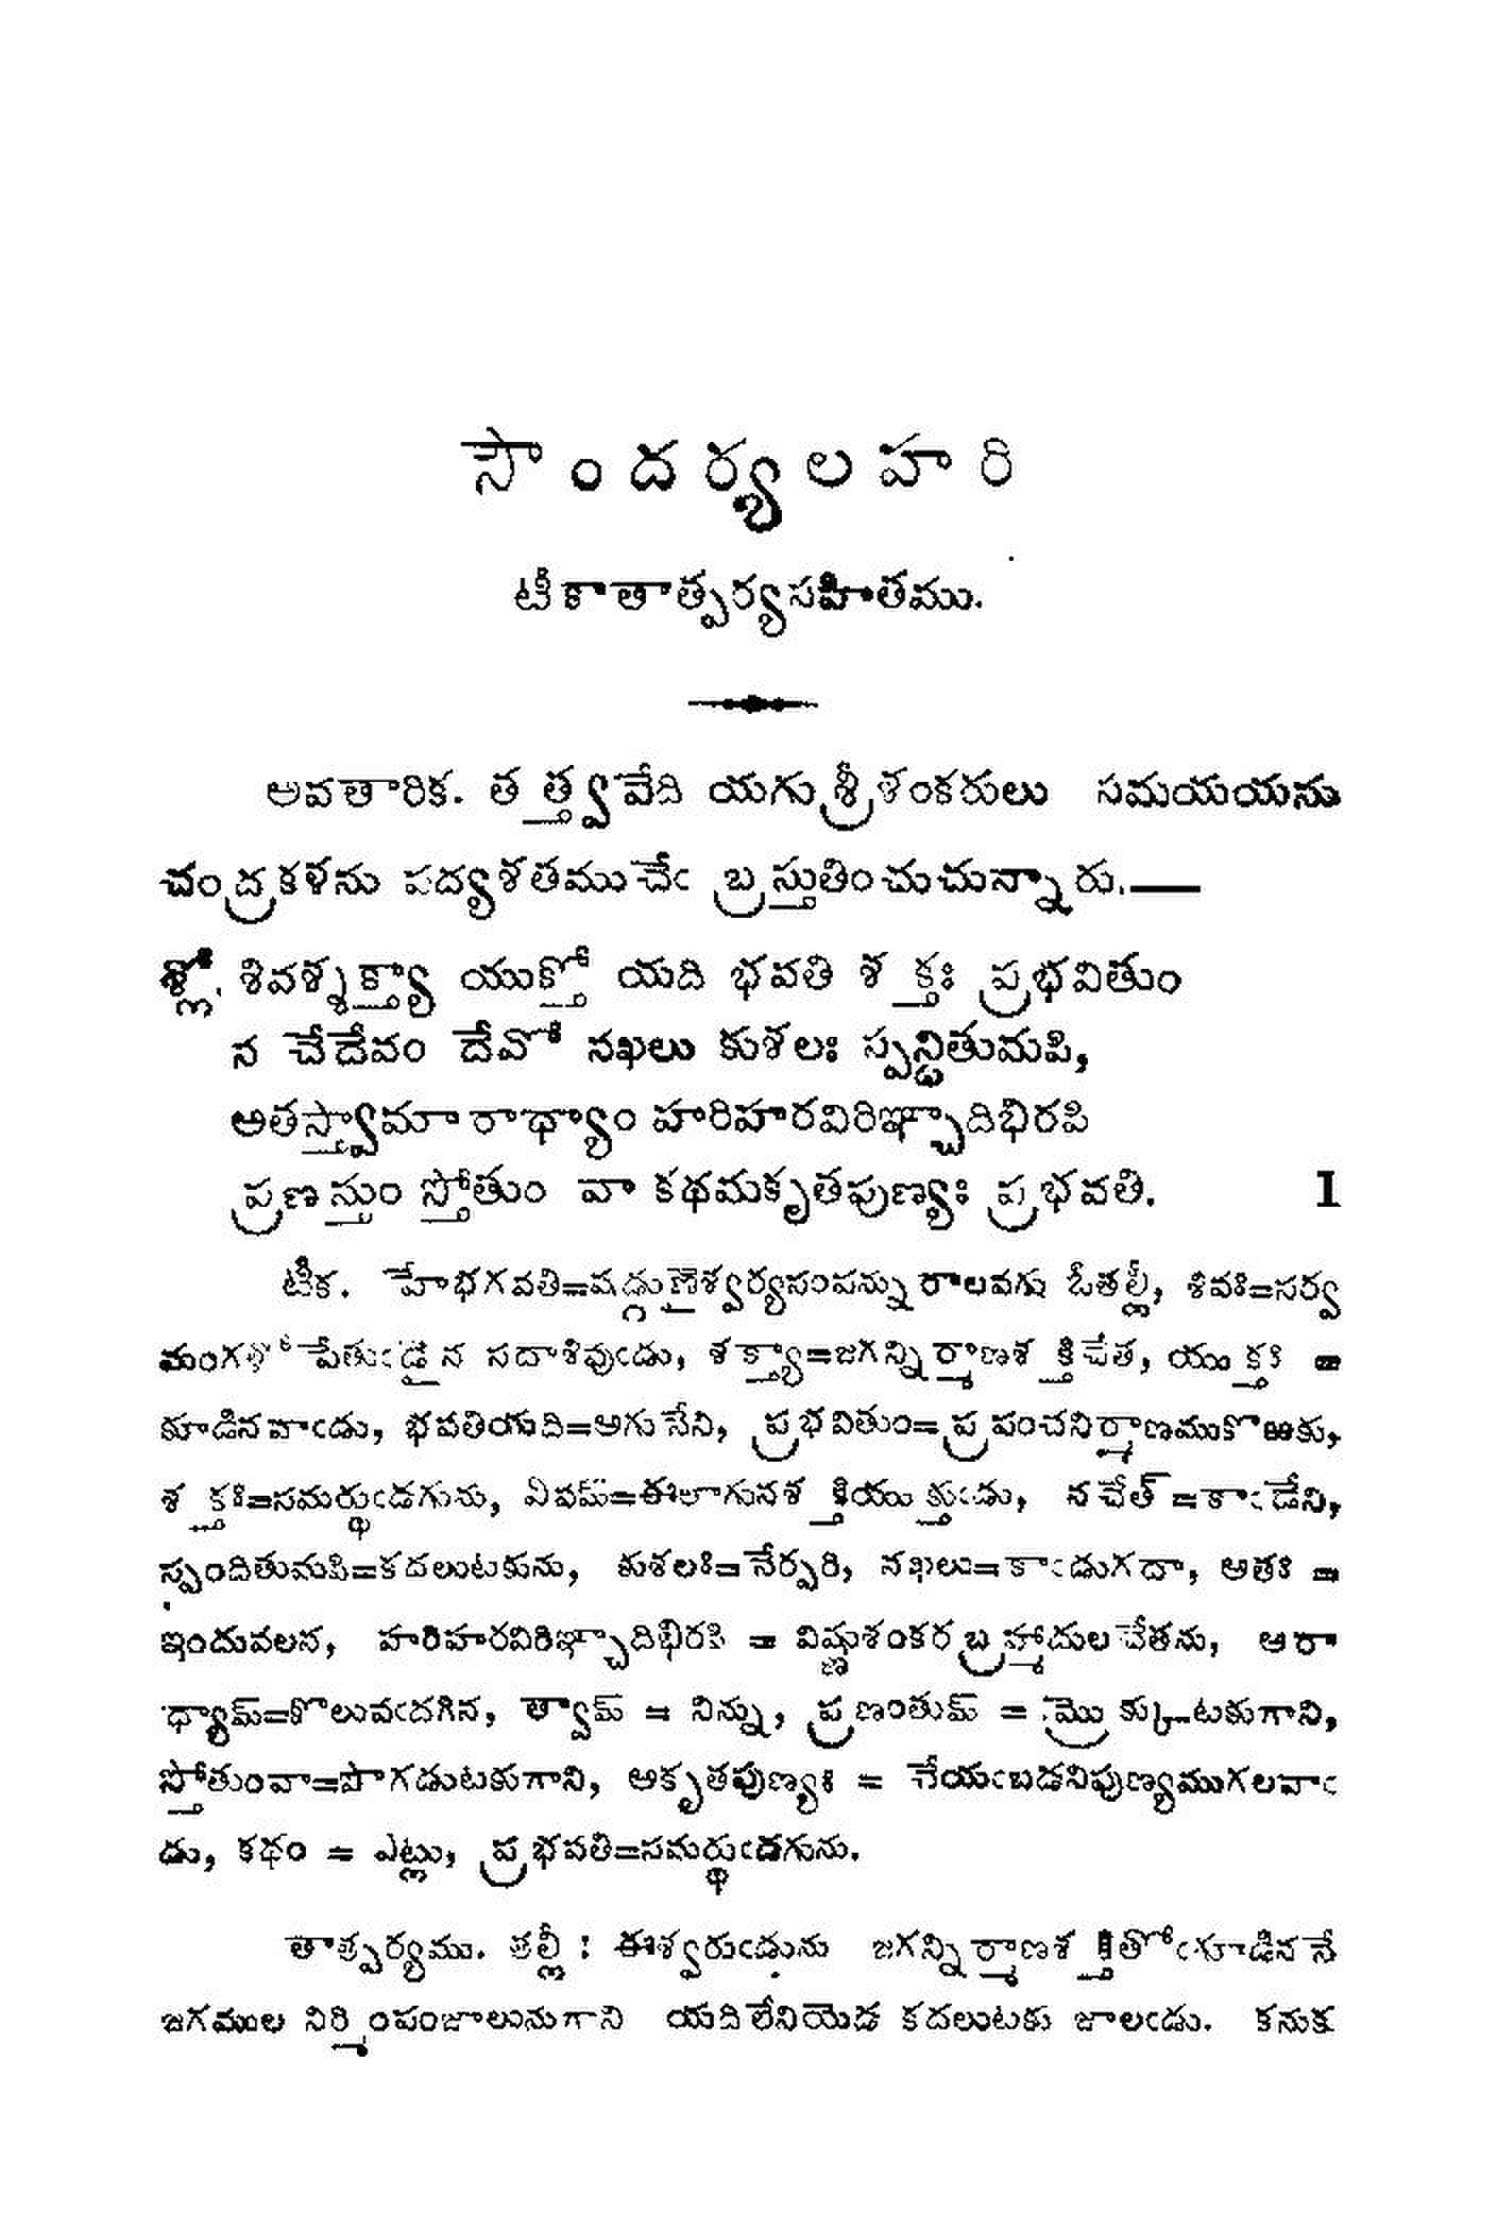సౌందర్యలహరి 
టీకాతాత్పర్యసహితము.

అవతారిక. తత్త్వవేది యగుశ్రీశంకరులు సమయయను చంద్రకళను పద్యశతముచేఁ బ్రస్తుతించుచున్నారు. — 

శ్లో. శివశ్శక్త్యా యుక్తో యది భవతి శక్తః ప్రభవితుం 
 న చేదేవం దేవో నఖలు కుశలః స్పన్దితుమపి, 
 అతస్త్వామా రాథ్యాం హరిహరవిరిఞ్చాదిభిరపి 
 ప్రణన్తుం స్తోతుం వా కథమకృతపుణ్యః ప్రభవతి. 1
టీక. హేభగవతి = షడ్గుణైశ్వర్యసంపన్నురాలవగు ఓతల్లీ, శివః = సర్వమంగళోపేతుఁడైన సదాశివుఁడు, శక్త్యా =జగన్నిర్మాణశక్తిచేత, యుక్తః = కూడినవాఁడు, భవతియది = అగునేని, ప్రభవితుం= ప్రపంచనిర్మాణముకొఱకు, శక్తః = సమర్ధుఁడగును, ఏవమ్ = ఈలాగునశక్తియుక్తుఁడు, నచేత్ = కాఁడేని, స్పందితుమపి = కదలుటకును, కుశలః = నేర్పరి, నఖలు = కాఁడుగదా, అతః = ఇందువలన, హరిహరవిరిఞ్చాదిభిరసి = విష్ణుశంకరబ్రహ్మాదులచేతను, ఆరాధ్యామ్ = కొలువఁదగిన, త్వామ్ = నిన్ను , ప్రణంతుమ్ = మ్రొక్కుటకుగాని, స్తోతుంవా = పొగడుటకుగాని, అకృతపుణ్యః = చేయఁబడనిపుణ్యముగలవాఁడు, కథం = ఎట్లు, ప్రభవతి = సమర్థుఁడగును,

తాత్పర్యము. తల్లీ : ఈశ్వరుఁడును జగన్నిర్మాణశక్తితోఁగూడిననే జగముల నిర్మింపంజాలునుగాని యదిలేనియెడ కదలుటకు జాలఁడు. కనుక